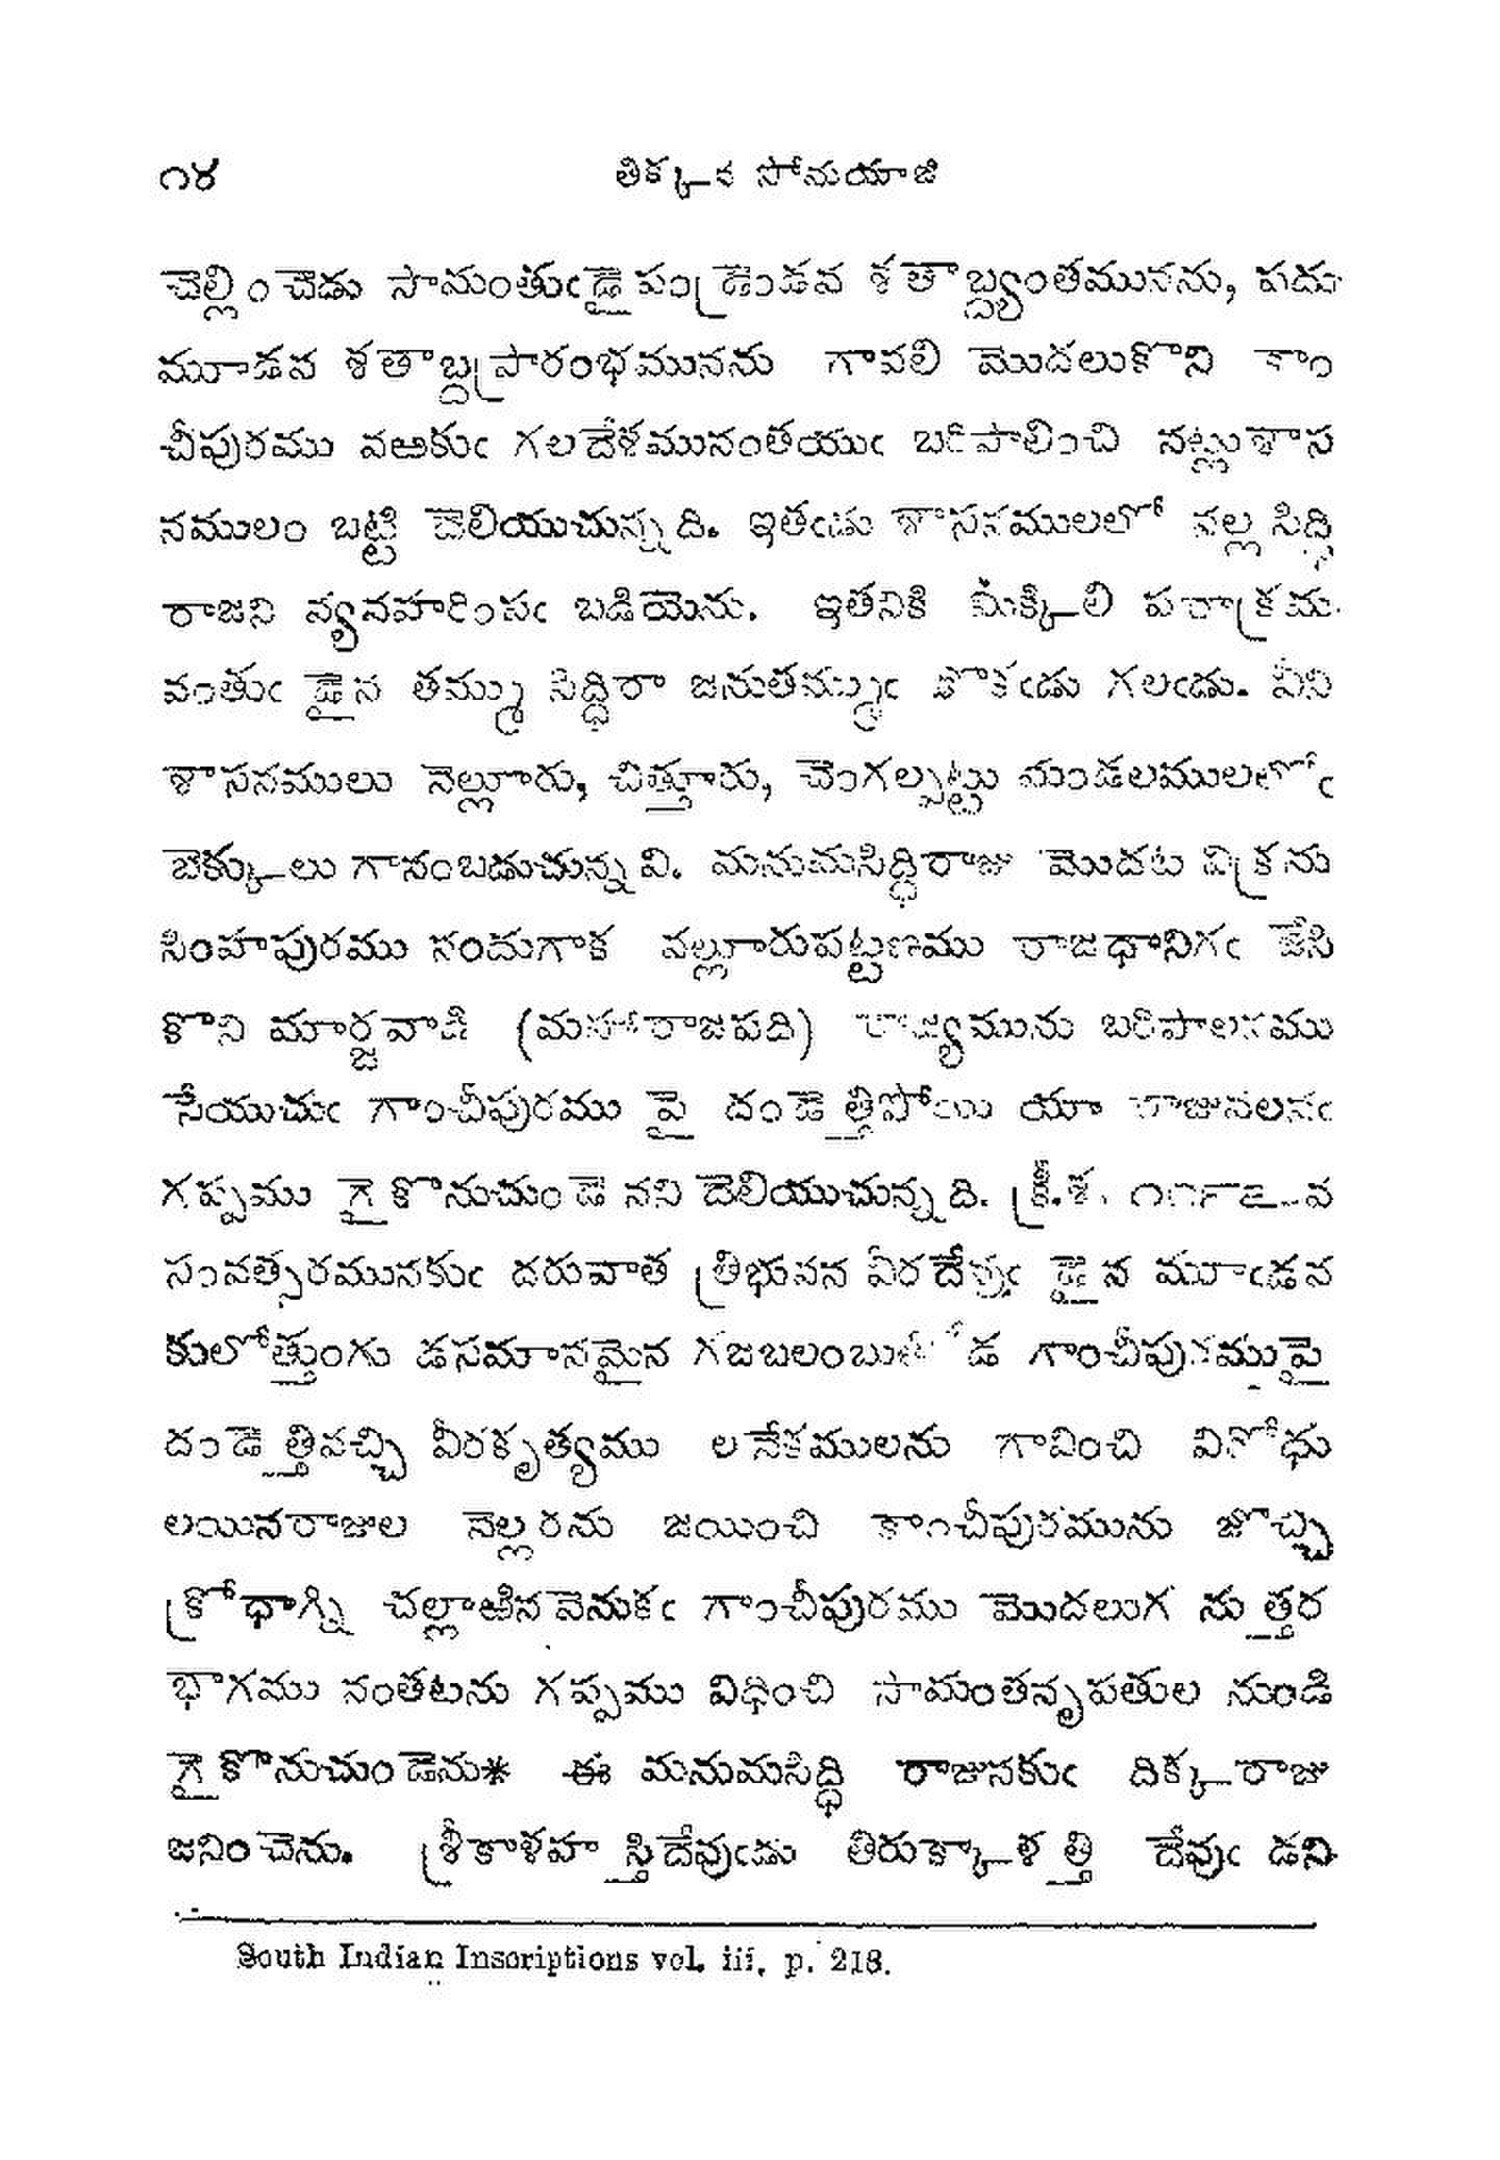చెల్లించెడు సామంతుఁడై పండ్రెండవ శతాబ్ద్యంతమునను, పదుమూడవ శతాబ్దప్రారంభమునను గావలి మొదలుకొని కాంచీపురము వఱకుఁ గలదేశమునంతయుఁ బరిపాలించి నట్లుశాసనములం బట్టి దెలియుచున్నది. ఇతఁడు శాసనములలో సల్లసిద్ధిరాజని వ్యవహరింపఁ బడియెను. ఇతనికి మిక్కిలి పరాక్రమవంతుఁ డైన తమ్ము సిద్ధిరా జనుతమ్ముఁ డొకఁడు గలఁడు. వీని శాసనములు నెల్లూరు, చిత్తూరు, చెంగల్పట్టు ముండలములలో బెక్కులు గానంబడుచున్నవి. మనుమసిద్దిరాజు మొదట విక్రమసింహపురము నందుగాక వల్లూరుపట్టణము రాజధానిగఁ జేసికొని మార్జవాడి (మహారాజపది) రాజ్యమును బరిపాలనముసేయుచుఁ గాంచీపురము పై దండెత్తిపోయి యా రాజువలనఁ గష్పము గైకొనుచుండె నని దెలియుచున్నది. క్రీ.శ. 1196 వ సంవత్సరమునకుఁ దరువాత త్రిభునన వీరదేవుఁ డైన మూఁడవ కులోత్తుంగు డసమానమైన గజబలంబుతోడ గాంచీపురముపై దండెత్తివచ్చి వీరకృత్యము లనేకములను గావించి విరోధులయినరాజుల నెల్లరను జయించి కాంచీపురమును జొచ్చి క్రోధాగ్ని చల్లాఱినవెనుకఁ గాంచీపురము మొదలుగ నుత్తరభాగము నంతటను గప్పము విధించి సామంతనృపతుల నుండి గైకొనుచుండెను ఈ మనుమసిద్ది రాజుసకుఁ దిక్కరాజు జనించెను. శ్రీకాళహస్తిదేవుఁడు తిరుక్కాళత్తి దేవుఁ డని

'